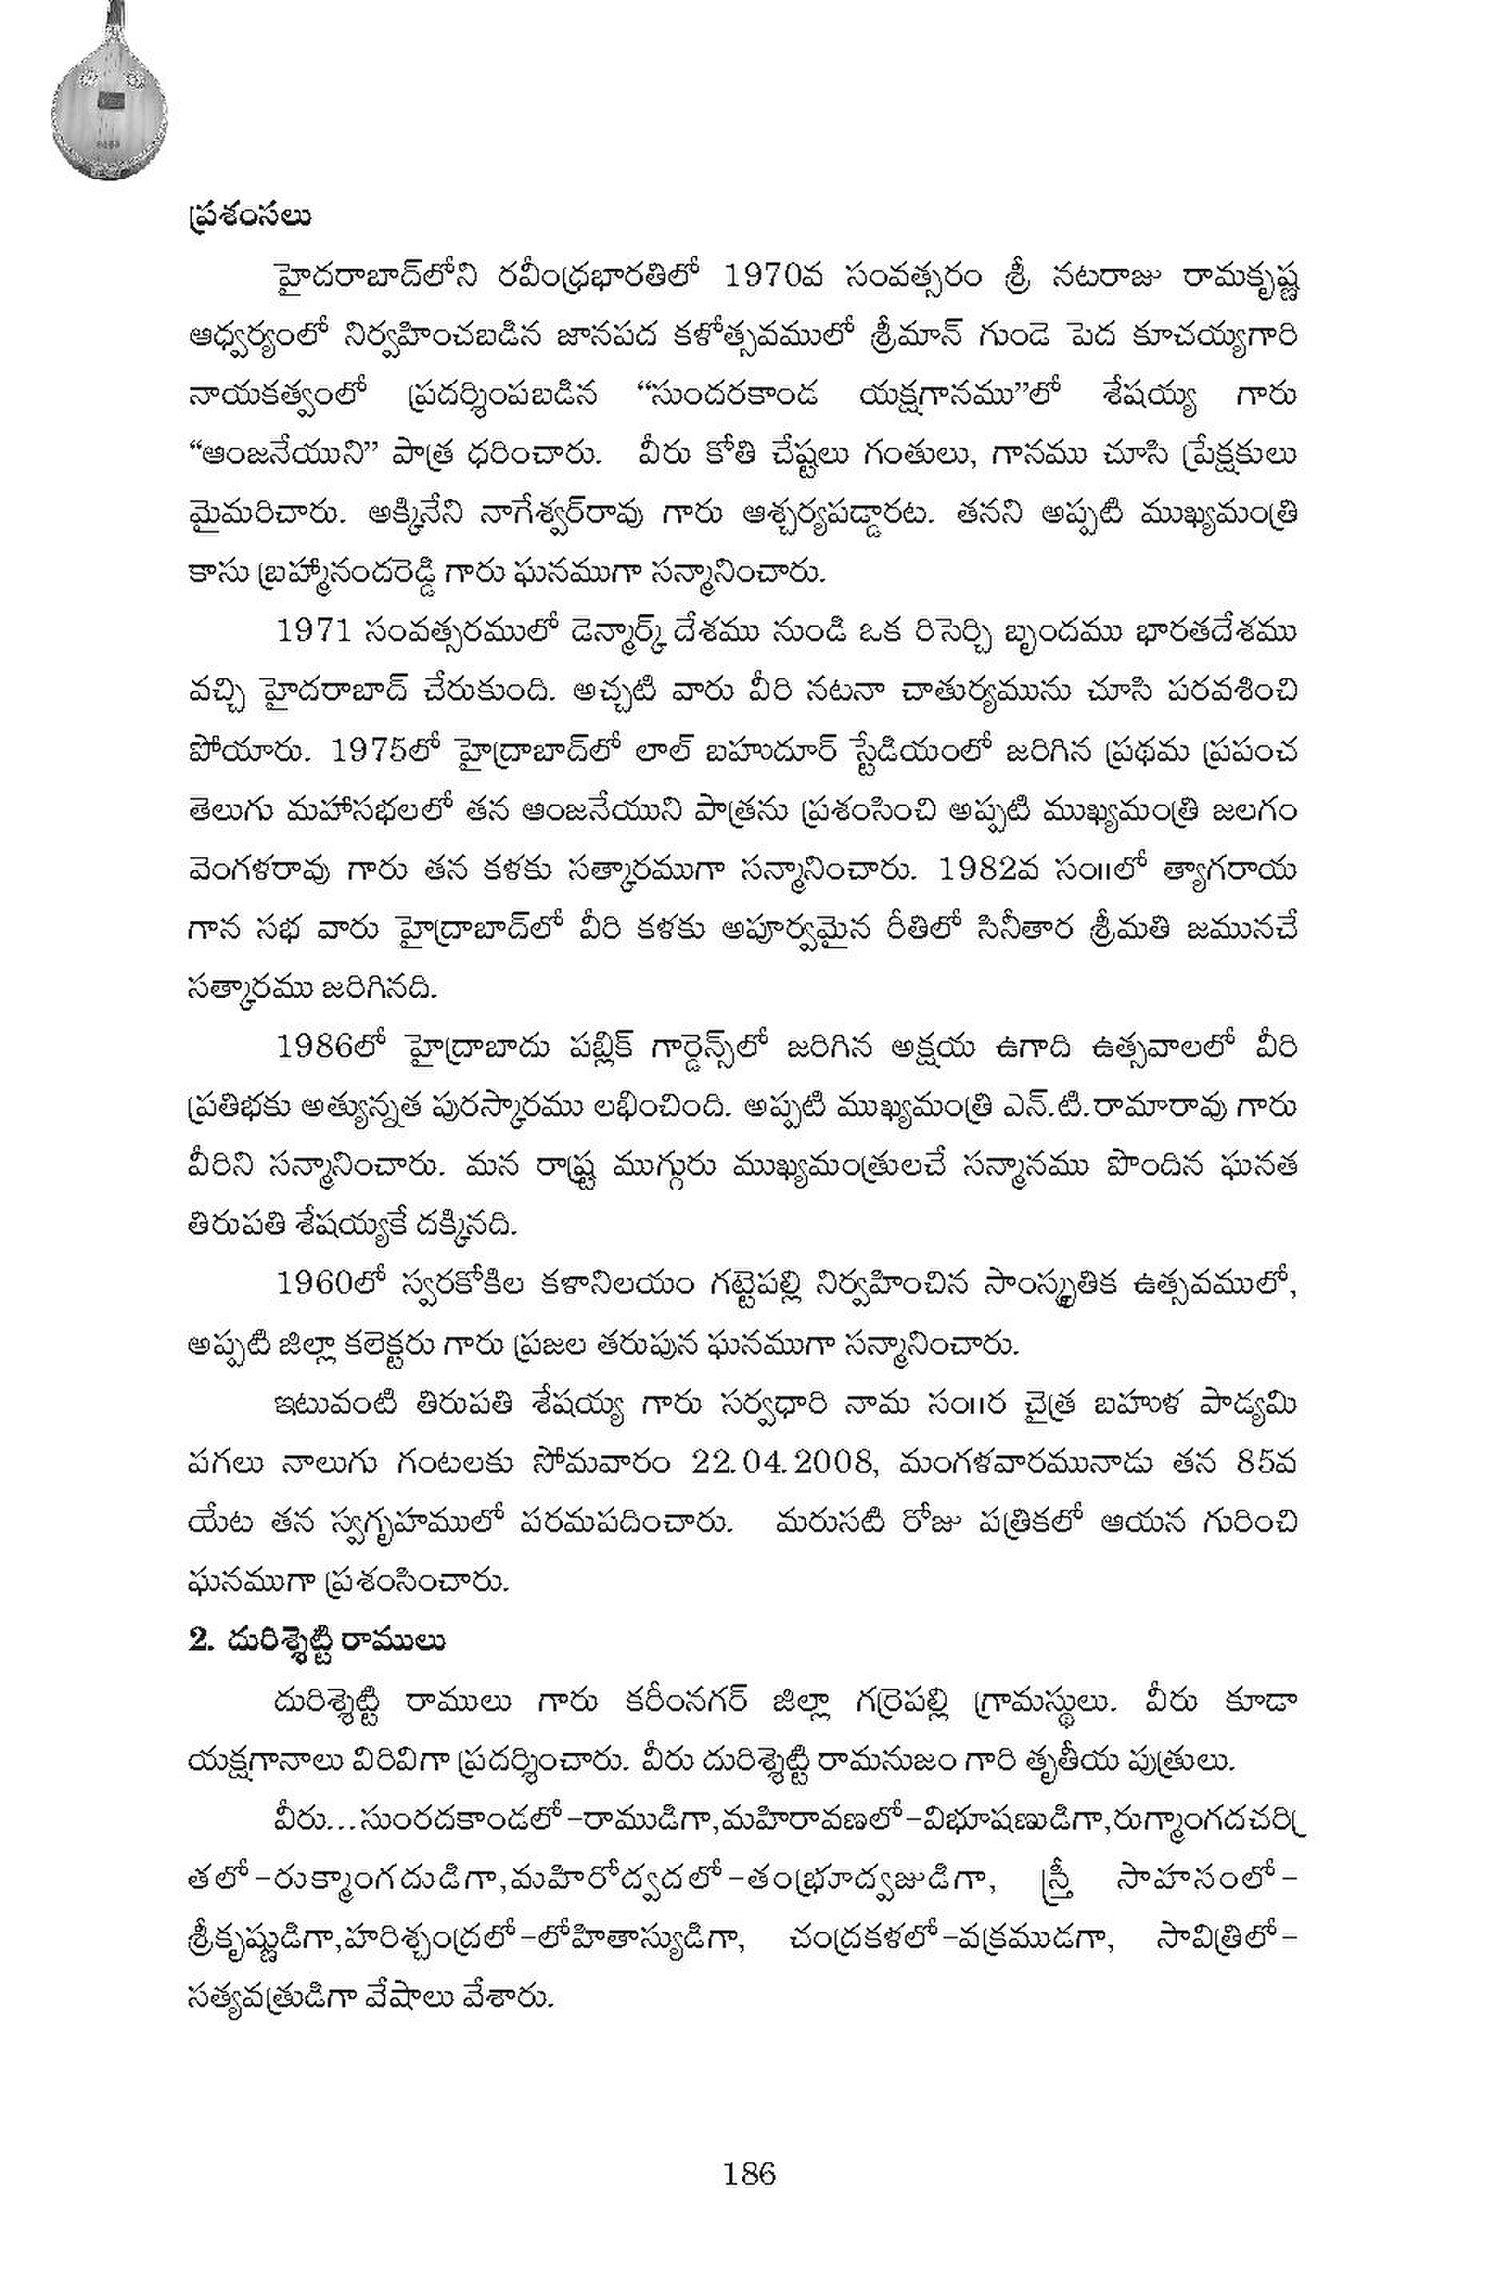ప్రశంసలు 

హైదరాబాద్ లోని రవీంధ్రభారతిలో 1970వ సంవత్సరం శ్రీ నటరాజు రామకృష్ణ ఆధ్వర్యంలో నిర్వహించబడిన జానపద కళోత్సవములో శ్రీమాన్ గుండె పెద కూచయ్యగారి నాయకత్వంలో ప్రదర్శింపబడిన “సుందరకాండ యక్షగానము”లో శేషయ్య గారు “ఆంజనేయుని” పాత్ర ధరించారు. వీరు కోతి చేష్టలు గంతులు, గానము చూసి ప్రేక్షకులు మైమరిచారు. అక్కినేని నాగేశ్వర్రావు గారు ఆశ్చర్యపడ్డారట. తనని అప్పటి ముఖ్యమంత్రి కాసు బ్రహ్మానందరెడ్డి గారు ఘనముగా సన్మానించారు.

1971 సంవత్సరములో డెన్మార్క్ దేశము నుండి ఒక రీసెర్చి బృందము భారతదేశము వచ్చి హైదరాబాద్ చేరుకుంది. అచ్చటి వారు వీరి నటనా చాతుర్యమును చూసి పరవశించి పోయారు. 1975లో హైద్రాబాద్లో లాల్ బహుదూర్ స్టేడియంలో జరిగిన ప్రథమ ప్రపంచ తెలుగు మహాసభలలో తన ఆంజనేయుని పాత్రను ప్రశంసించి అప్పటి ముఖ్యమంత్రి జలగం
వెంగళరావు గారు తన కళకు సత్కారముగా సన్మానించారు. 1982వ సం॥లో త్యాగరాయ గాన సభ వారు హైద్రాబాద్ లో వీరి కళకు అపూర్వమైన రీతిలో సినీతార శ్రీమతి జమునచే సత్కారము జరిగినది.

1986లో హైద్రాబాదు పబ్లిక్ గార్డెన్స్లోలో జరిగిన అక్షయ ఉగాది ఉత్సవాలలో వీరి ప్రతిభకు అత్యున్నత పురస్కారము లభించింది. అప్పటి ముఖ్యమంత్రి ఎన్.టి.రామారావు గారు వీరిని సన్మానించారు. మన రాష్ట్ర ముగ్గురు ముఖ్యమంత్రులచే సన్మానము పొందిన ఘనత తిరుపతి శేషయ్యకే దక్కినది.

1960లో స్వరకోకిల కళానిలయం గట్టెపల్లి నిర్వహించిన సాంస్కృతిక ఉత్సవములో, అప్పటి జిల్లా కలెక్టరు గారు ప్రజల తరుపున ఘనముగా సన్మానించారు.

ఇటువంటి తిరుపతి శేషయ్య గారు సర్వధారి నామ సం౹౹ర చైత్ర బహుళ పాడ్యమి పగలు నాలుగు గంటలకు సోమవారం 22.04.2008, మంగళవారమునాడు తన 85వ యేట తన స్వగృహములో పరమపదించారు. మరుసటి రోజు పత్రికలో ఆయన గురించి ఘనముగా ప్రశంసించారు.

2. దురిశెట్టి రాములు 

దురిశెశెట్టి రాములు గారు కరీంనగర్ జిల్లా గర్రెపల్లి గ్రామస్థులు. వీరు కూడా యక్షగానాలు విరివిగా ప్రదర్శించారు. వీరు దురిశ్శెట్టి రామనుజం గారి తృతీయ పుత్రులు.

వీరు... సు౦రదకాండలో-రాముడిగా, మహిరావణలో-విభూషణుడిగా, రుగ్మాంగదచరిత్రలో-రుక్మాంగదుడిగా,మహిరోద్వదలో-తంభ్రూద్వజుడిగా, స్త్రీ సాహసంలో- శ్రీకృష్ణుడిగా, హరిశ్చంద్రలో లోహితాస్యుడిగా, చంద్రకళలో -వక్రముడగా, సావిత్రిలో-
సత్యవత్రుడిగా వేషాలు వేశారు.